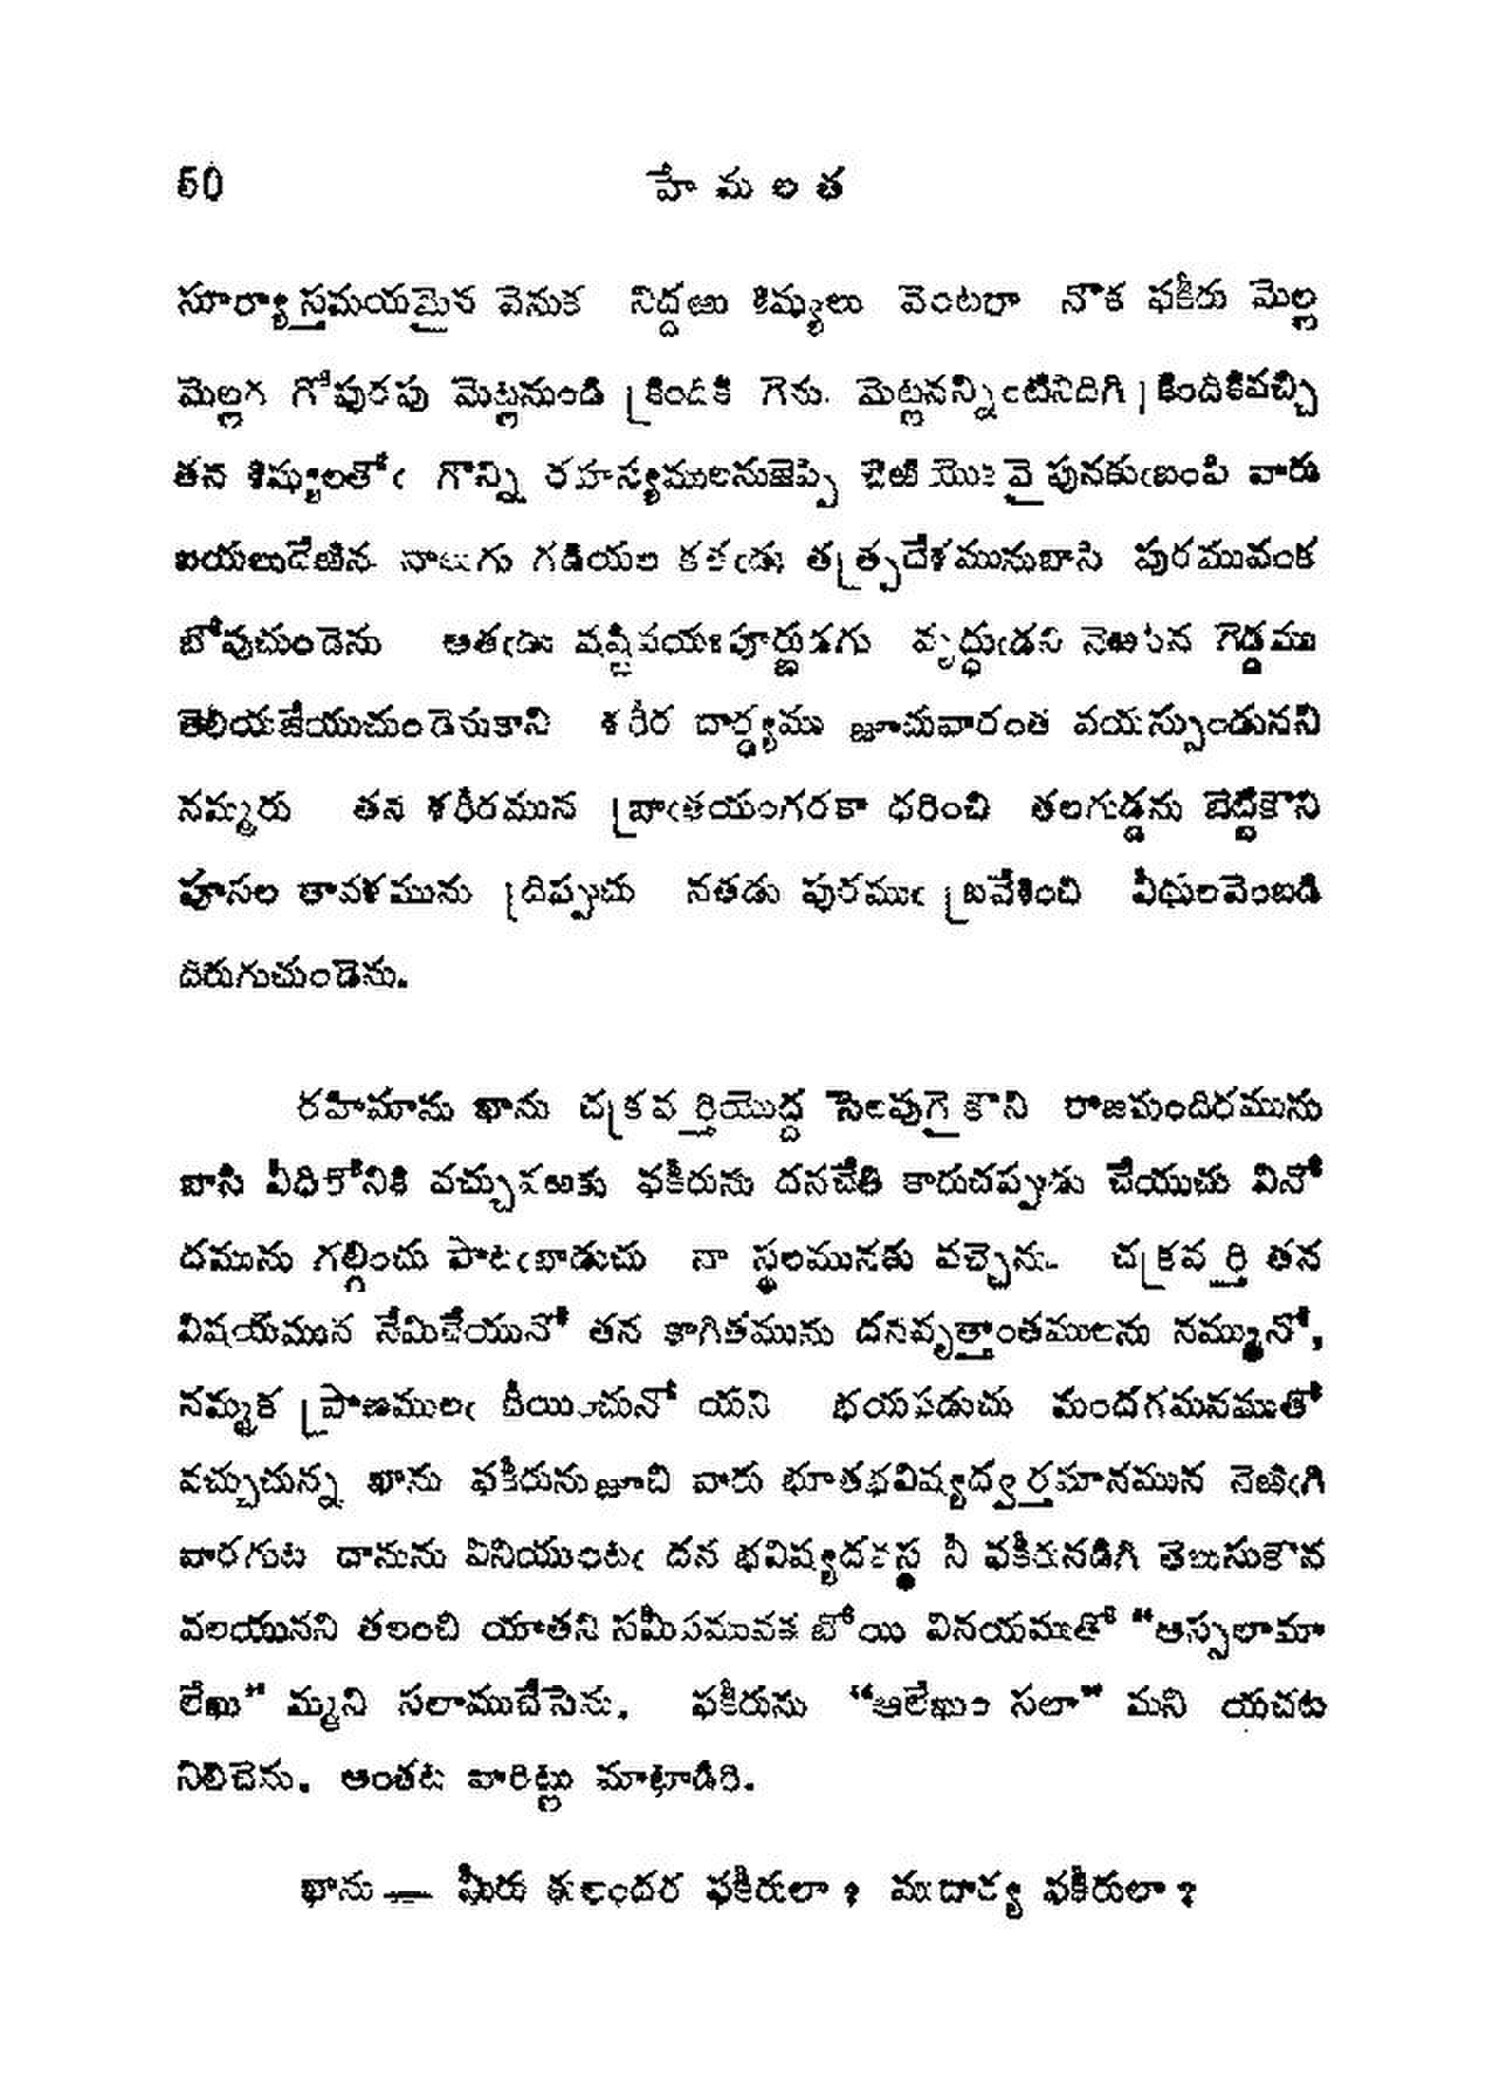సూర్యాస్తమయమైన వెనుక నిద్దఱు శిష్యులు వెంటరా నొక ఫకీరు మెల్లమెల్లగ గోపురపు మెట్లనుండి క్రిందికి దిగెను. మెట్లనన్నింటినిదిగి క్రిందికి వచ్చి తన శిష్యులతోఁ గొన్ని రహస్యములనుజెప్పి చెఱి యొకవైపునకుఁబంపి వారు బయలుదేఱిన నాలుగు గడియల కతఁడు తత్ప్రదేశమునుబాసి పురమువంక బోవుచుండెను. అతఁడు షష్టి వయఃపూర్ణుడగు వృద్ధుఁడని నెఱసిన గెడ్డము తెలియజేయుచుండెనుకాని శరీర దార్ఢ్యము జూచువారంత వయస్సుండునని నమ్మరు. తన శరీరమున బ్రాఁతయంగరకా ధరించి తలగడ్డను బెట్టికొని పూసల తావళమును ద్రిప్పుచు నతడు పురముఁ బ్రవేశించి వీధుల వెంబడి దిరుగుచుండెను.

రహిమాను ఖాను చక్రవర్తియొద్ద సెలవుగైకొని రాజమందిరమును బాసి వీధిలోనికి వచ్చువఱకు ఫకీరును దనచేతి కారుచప్పుడు చేయుచు వినోదమును గల్గించు పాటఁబాడుచు నా స్థలమునకు వచ్చెను. చక్రవర్తి తన విషయమున నేమిచేయునో తన కాగితమును దనవృత్తాంతములను నమ్మునో, నమ్మక ప్రాణములఁ దీయించునో యని భయపడుచు మందగమనముతో వచ్చుచున్న ఖాను ఫకీరును జూచి వారు భూతభవిష్యద్వర్తమానమున నెఱిఁగిన వారగుట దానును వినియుంటఁ దన భవిష్యదవస్థ నీ ఫకీరునడిగి తెలుసుకొన వలయునని తలంచి యాతని సమీపమునకు బోయి వినయముతో “అస్సలామా లేఖు” మ్మని సలాముచేసెను. ఫకీరును “ఆలేఖుం సలా” మని యచట నిలిచెను. అంతట వారిట్లు మాటాడిరి.

ఖాను – మీరు కులందర ఫకీరులా? ముదార్య ఫకీరులా?